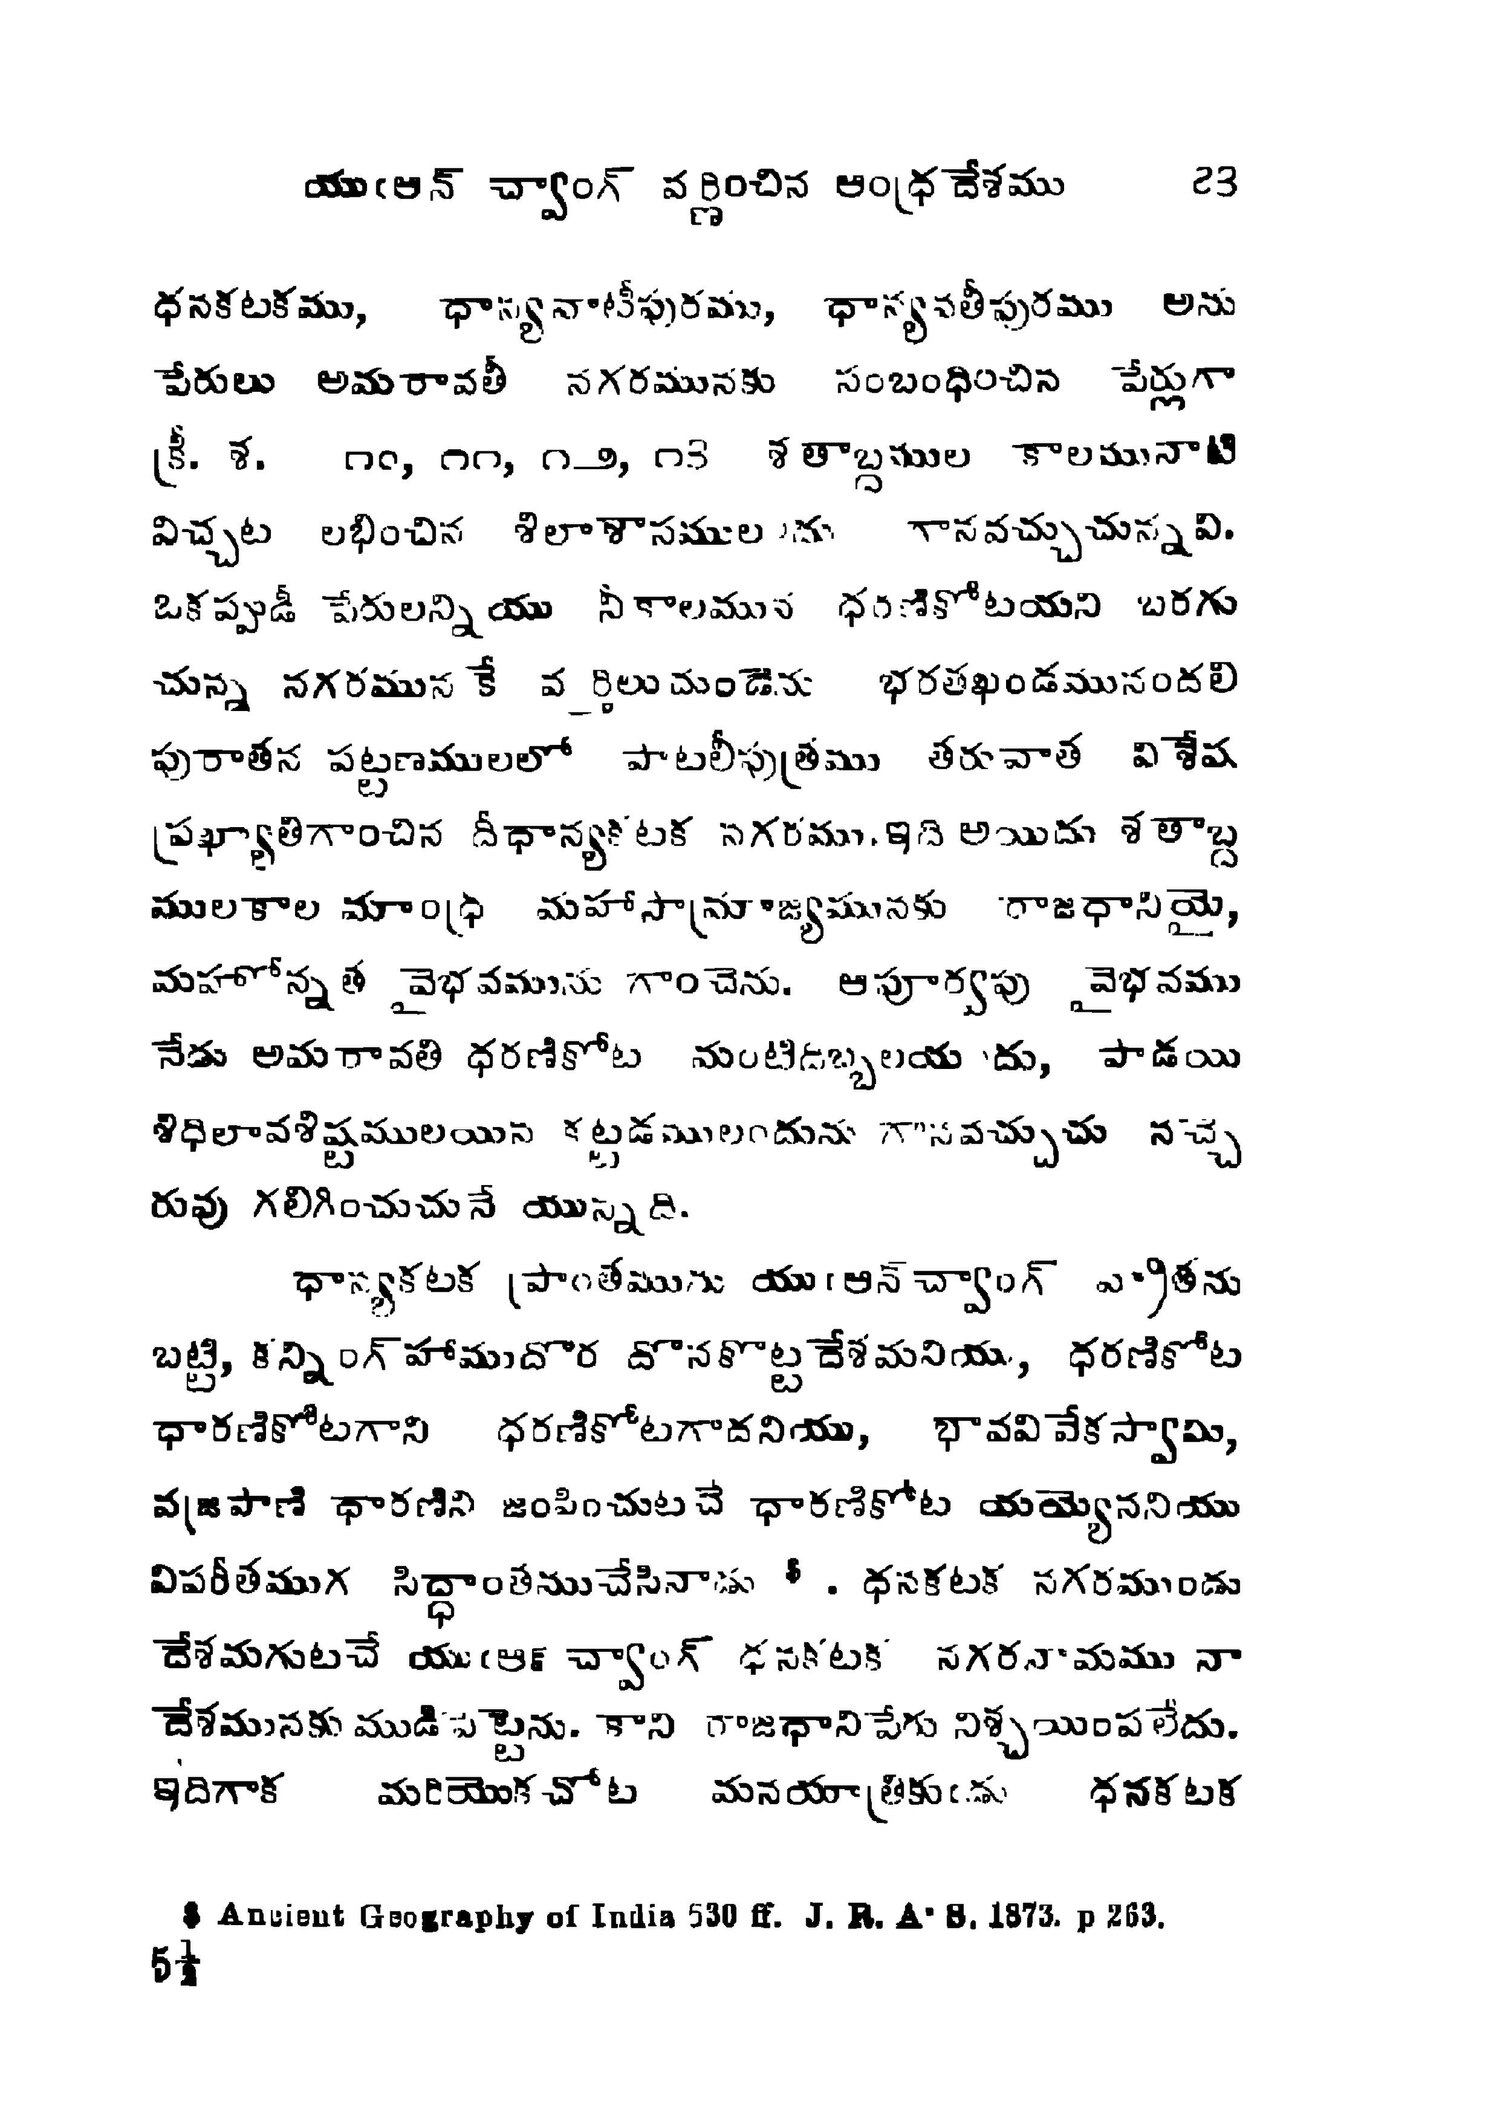ధనకటకము, ధాన్యనాటీపురము, ధాన్యవతీపురము అను పేరులు అమరావతీ నగరమునకు సంబంధించిన పేర్లుగా క్రీ.శ. 10, 11, 12, 13 శతాబ్దముల కాలమునాటి విచ్చట లభించిన శిలాశాసనములందు గానవచ్చుచున్నవి. ఒకప్పుడీ పేరులన్నియు నీ కాలమున ధరణికోటయని బరగుచున్న నగరమునకే వర్తిలుచుండెను. భరతఖండమునందలి పురాతన పట్టణములలో పాటలీపుత్రము తరువాత విశేష ప్రఖ్యాతిగాంచిన దీధాన్యకటక నగరము. ఇది అయిదు శతాబ్దములకాల మాంధ్ర మహాసామ్రాజ్యమునకు రాజధానియై, మహోన్నత వైభవమును గాంచెను. ఆపూర్వపు వైభవము నేడు అమరావతి ధరణికోట మంటిదిబ్బలయందు, పాడయి శిధిలావశిష్టములయిన కట్టడములందును గానవచ్చుచు నచ్చెరువు గలిగించుచునే యున్నది.

ధాన్యకటక ప్రాంతమును యు ఆన్ చ్వాంగ్ వ్రాతను బట్టి, కన్నింగ్‌హాముదొర దొనకొట్టదేశమనియు, ధరణికోట ధారణికోటగాని ధరణికోటగాదనియు, భావవివేకస్వామి, వజ్రపాణి ధారణిని జంపించుటచే ధారణికోట యయ్యెననియు విపరీతముగ సిద్ధాంతముచేసినాడు. ధనకటక నగరముండు దేశమగుటచే యు ఆన్ చ్వాంగ్ ధనకటక నగరనామము నా దేశమునకు ముడిపెట్టెను. కాని రాజధానిపేరు నిశ్చయింపలేదు. ఇదిగాక మరియొకచోట మనయాత్రికుడు ధనకటక